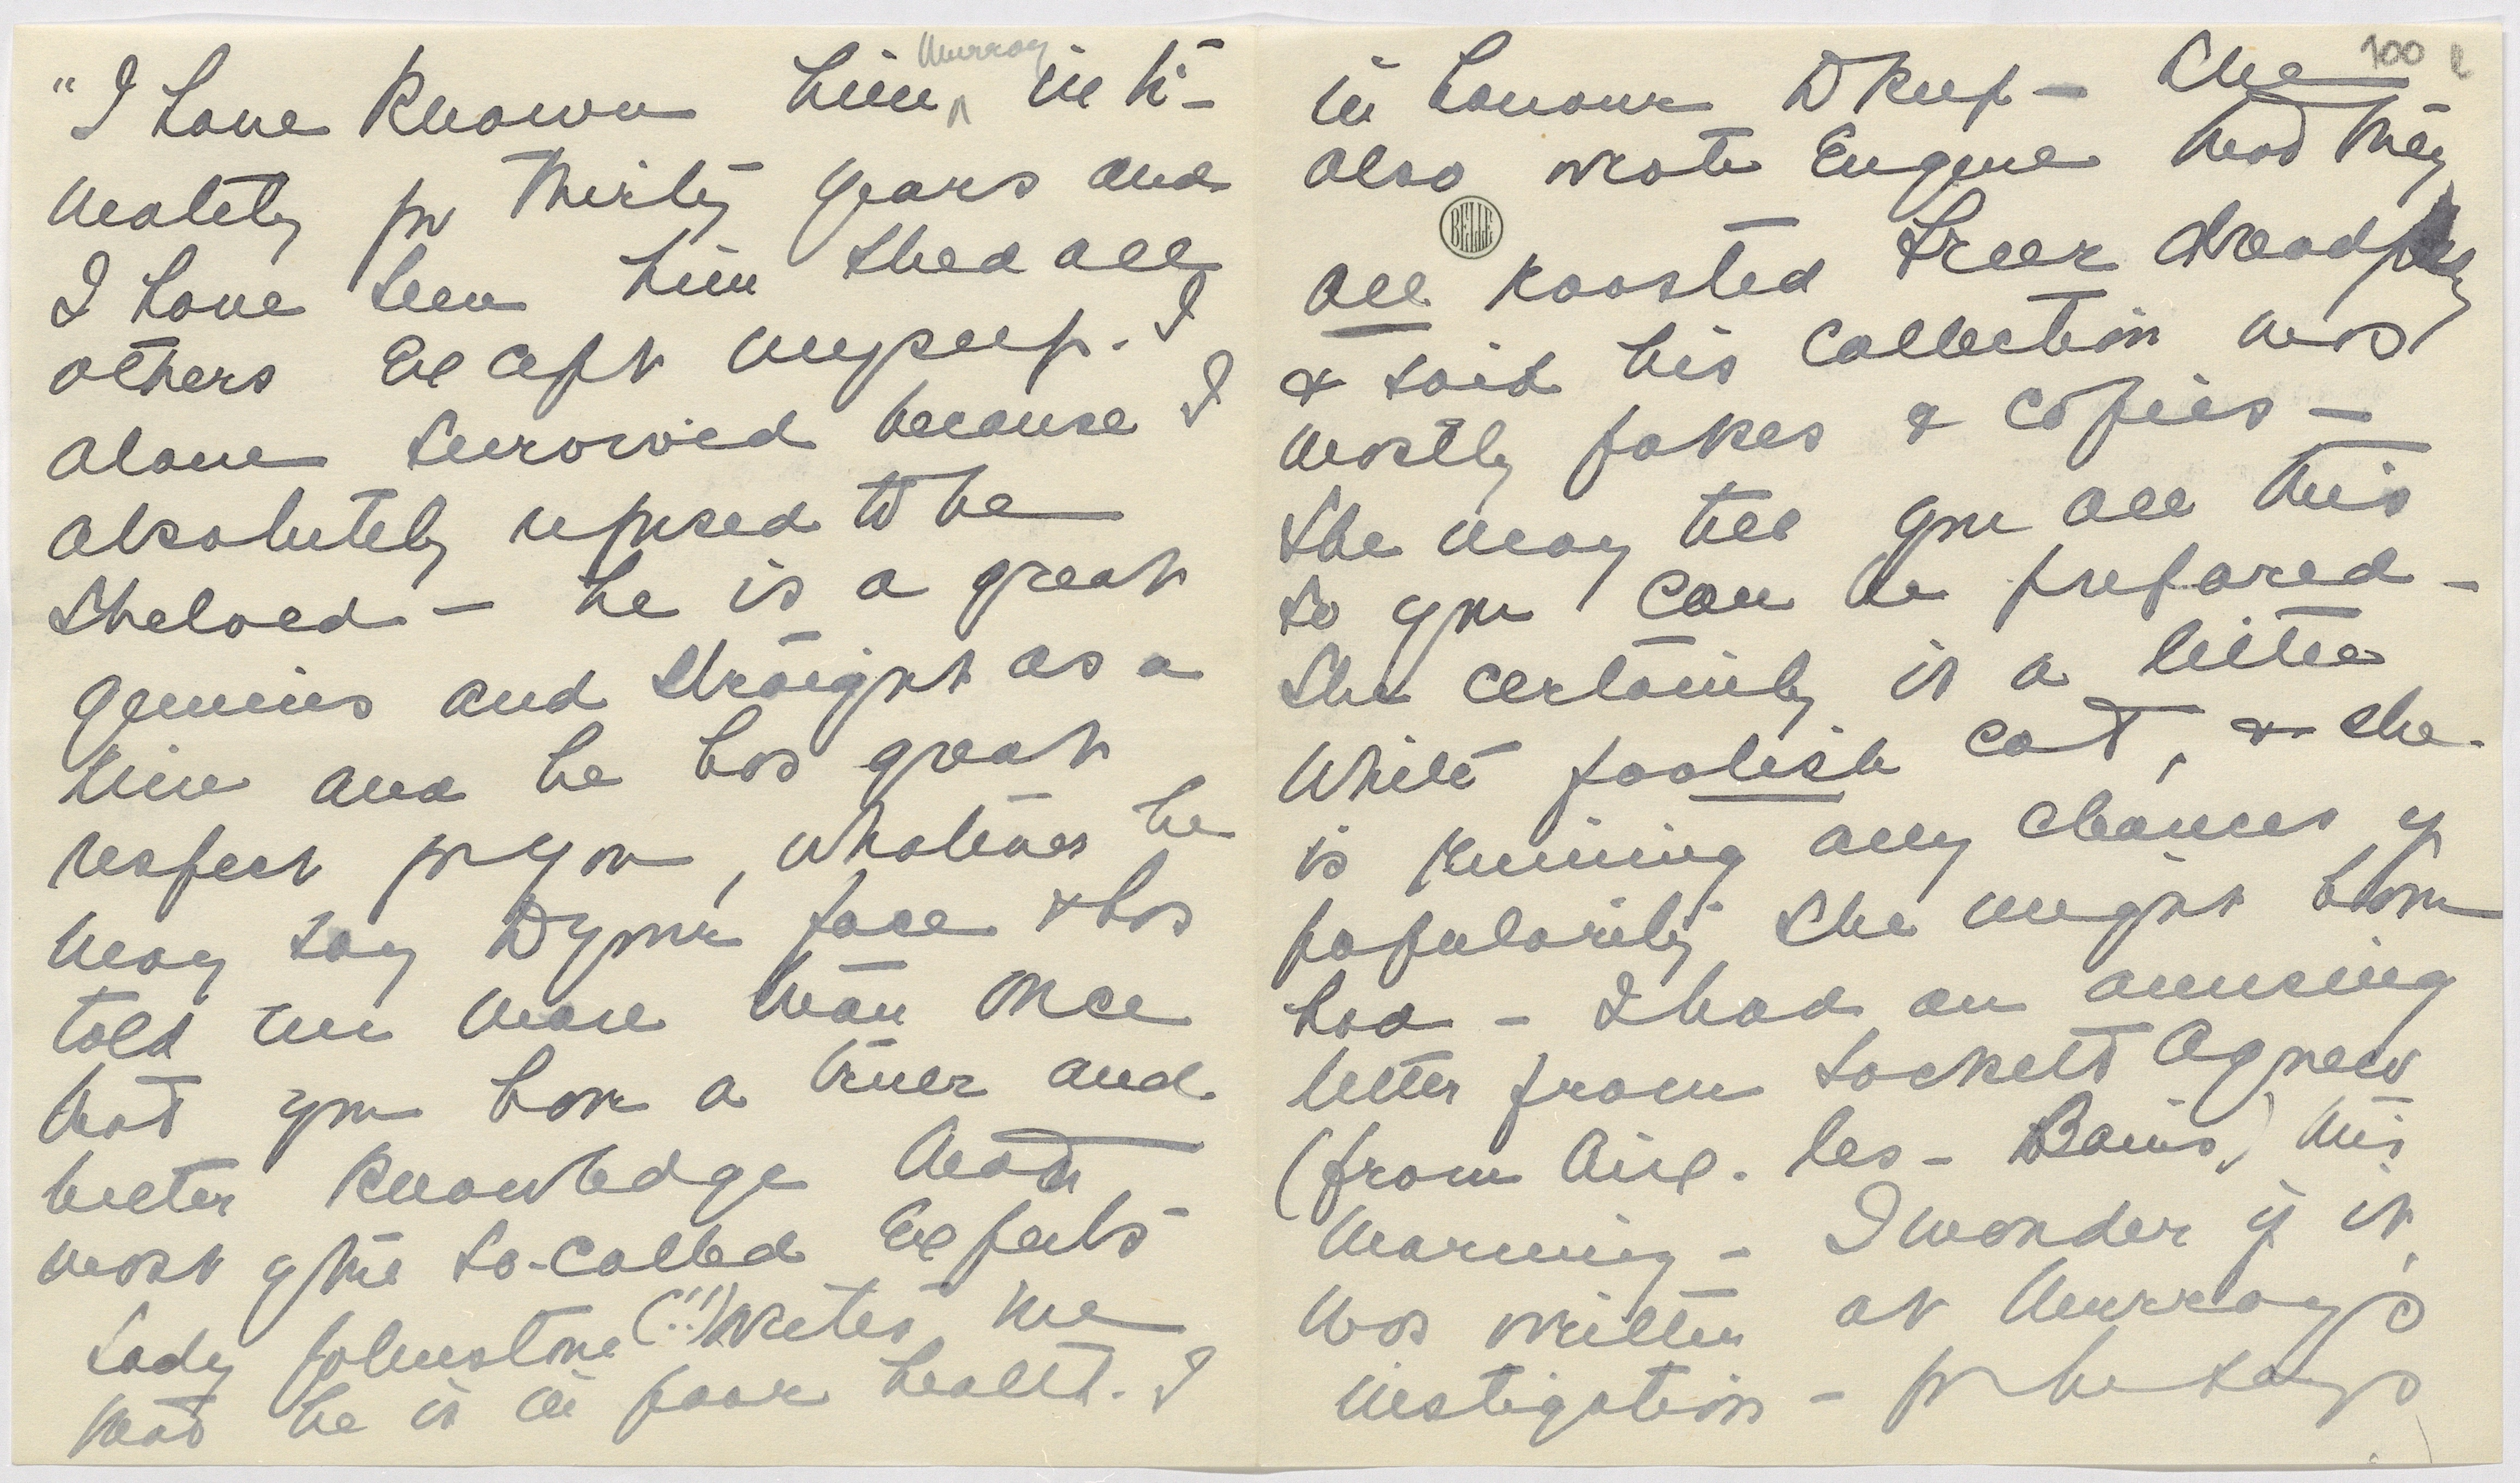in honour to keep – she also wrote Eugene that they all roasted Freer dreadfully & said his collection was mostly fakes & copies – She may tell you all this so you can be prepared – She certainly is a little white foolish cat, & she is ruining any chances of popularity she might have had – I had an amusing letter from Lockett Agnew (from Aix-les-Bains) this morning – I wonder if it was written at Murray’s instigation – for he says
“I have known him [ˆMurrayˆ] intimately for thirty years and I have seen him shed all others except myself. I alone survived because I absolutely refused to be shelved – he is a great genius and straight as a line and he has great respect for you, whatever he may say to your face & has told me more than once that you have a truer and better knowledge than most of the so-called experts
Lady Johnstone (!!) writes me that he is in poor health. I